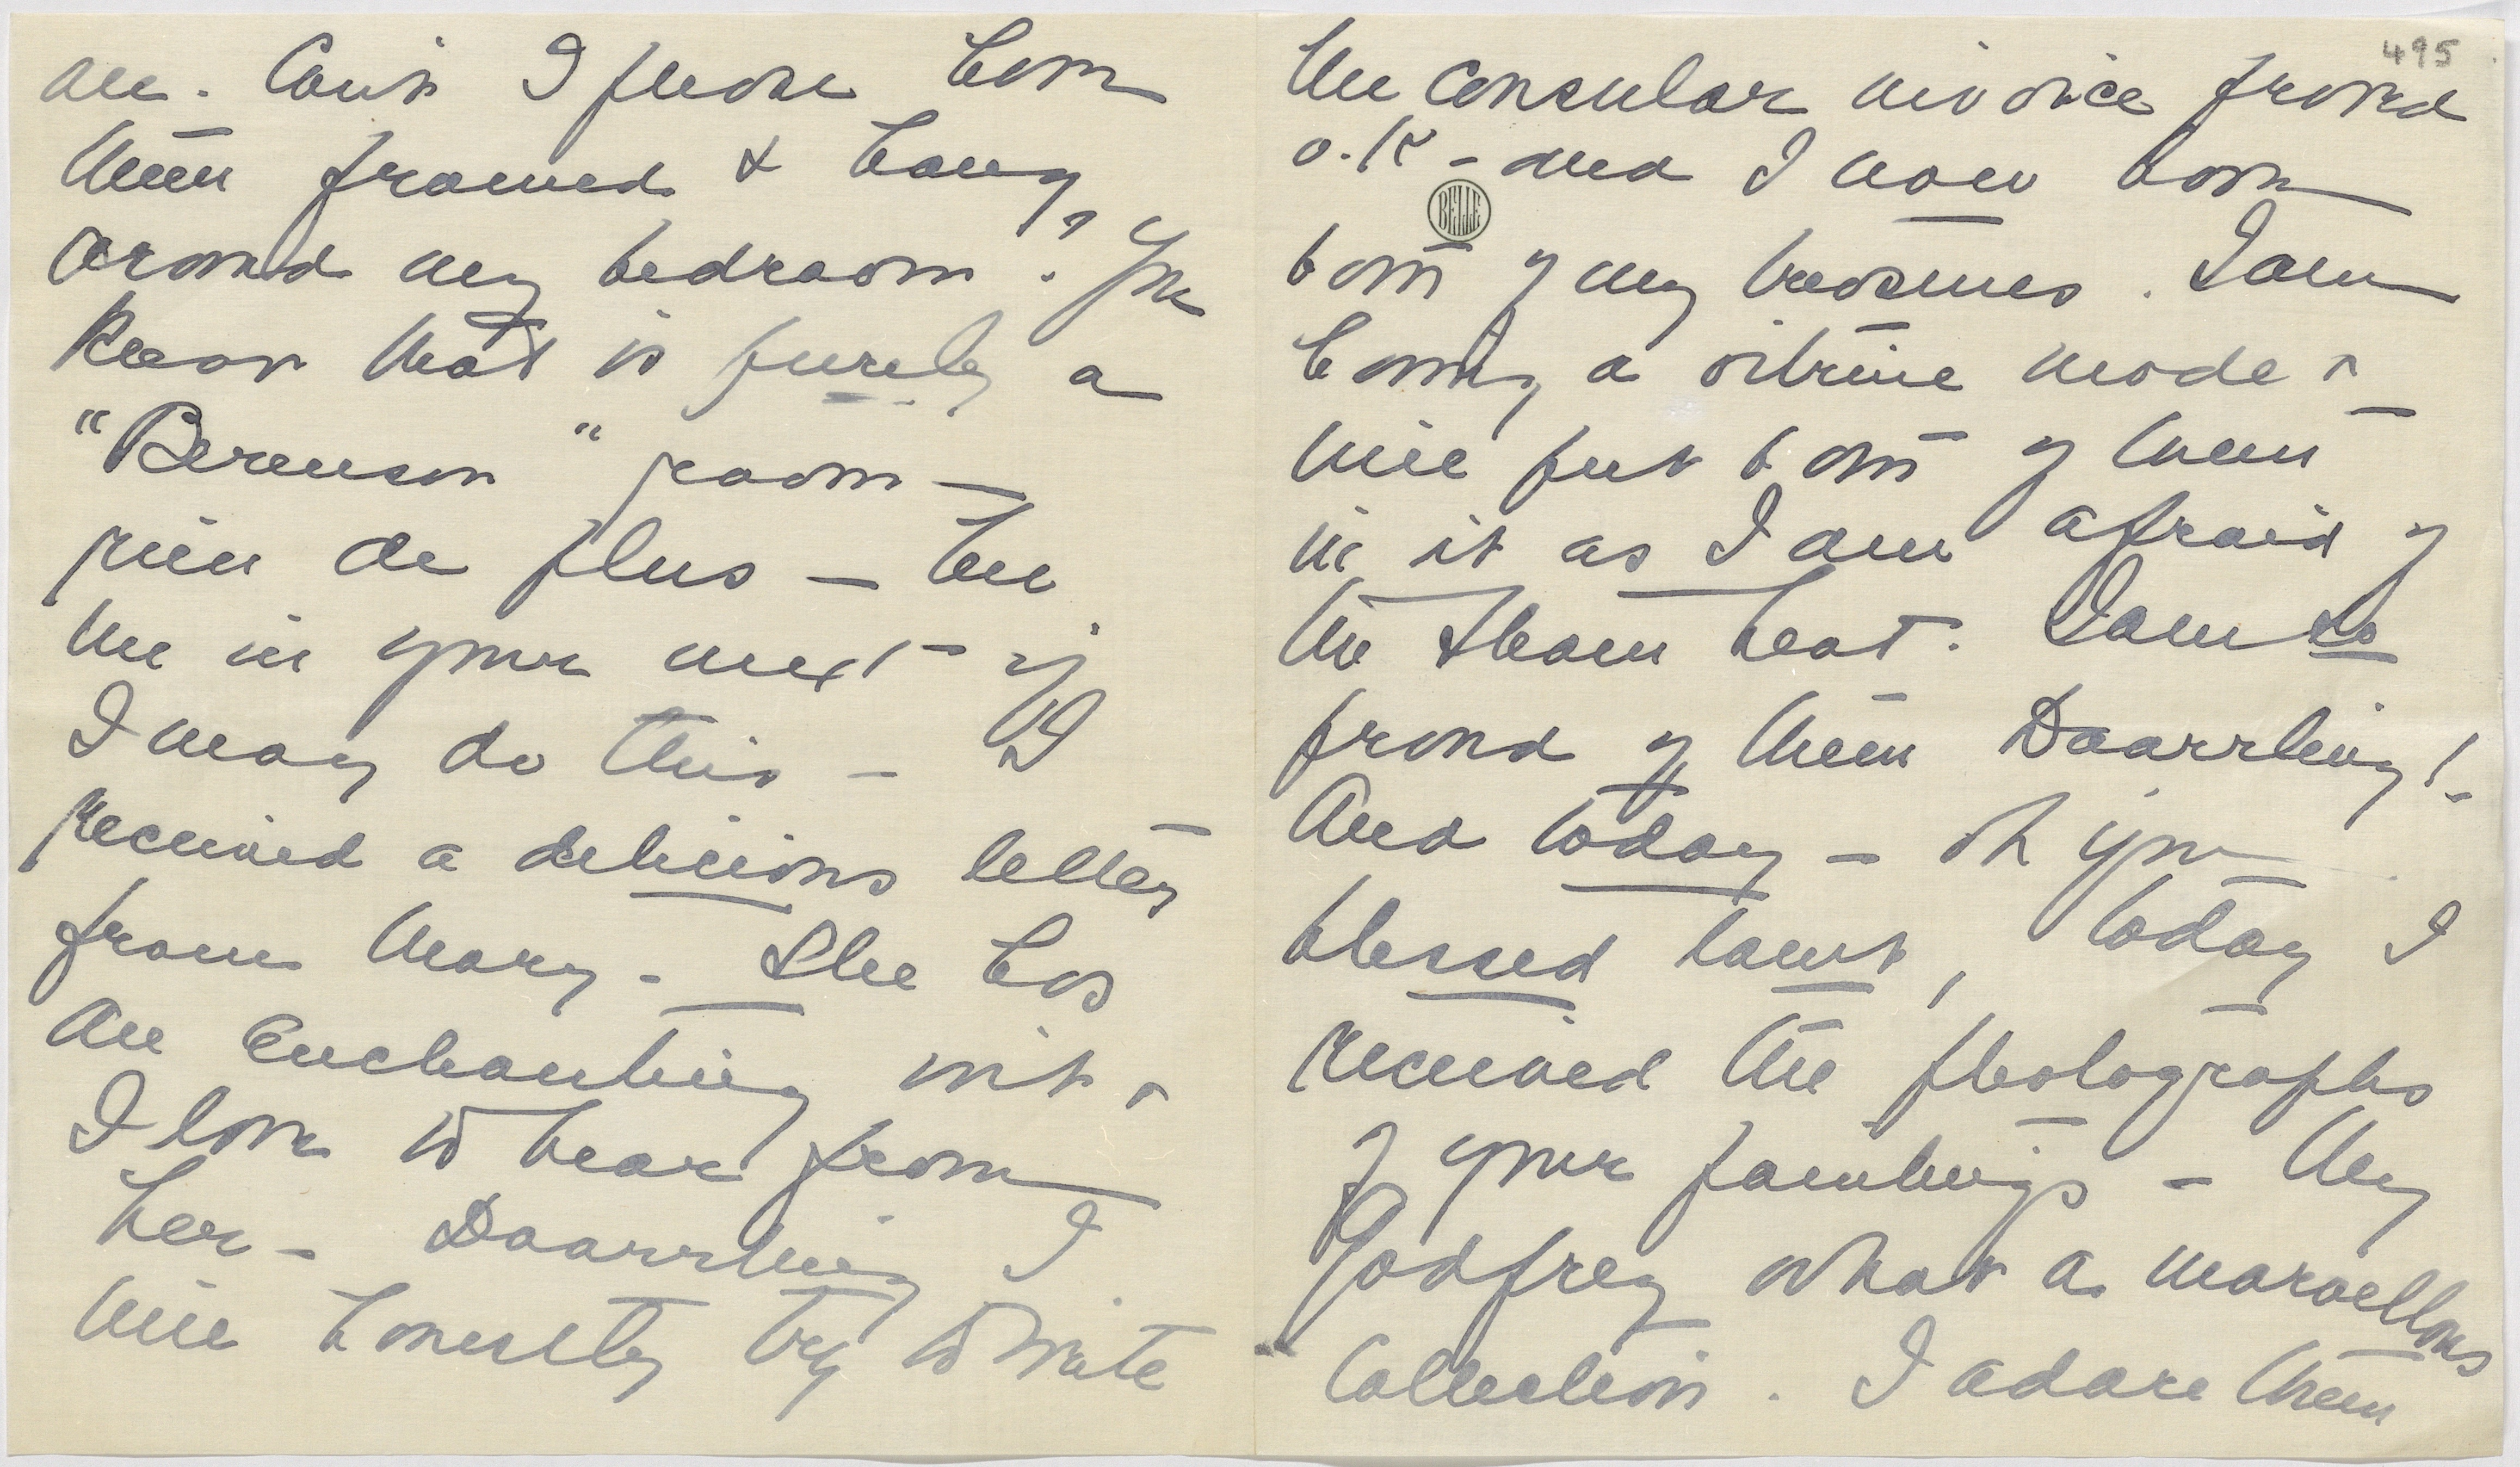The consular invoice proved o.k – and I now have both of my treasures. I am having a vitrine made & will put both of them in it as I am afraid of the steam heat. I am so proud of them Daarrling! And today – oh you blessed lamb, today I received the photographs of your paintings – My Godfrey what a marvellous collection. I adore them
all. Can’t I please have them framed & hang [sic] around my bedroom? You know that is purely a “Berenson” room – rien de plus – Tell me in your next if I may do this – I received a delicious letter from Mary – she has an enchanting wit & I love to hear from her – Daarrling I will honestly try to write